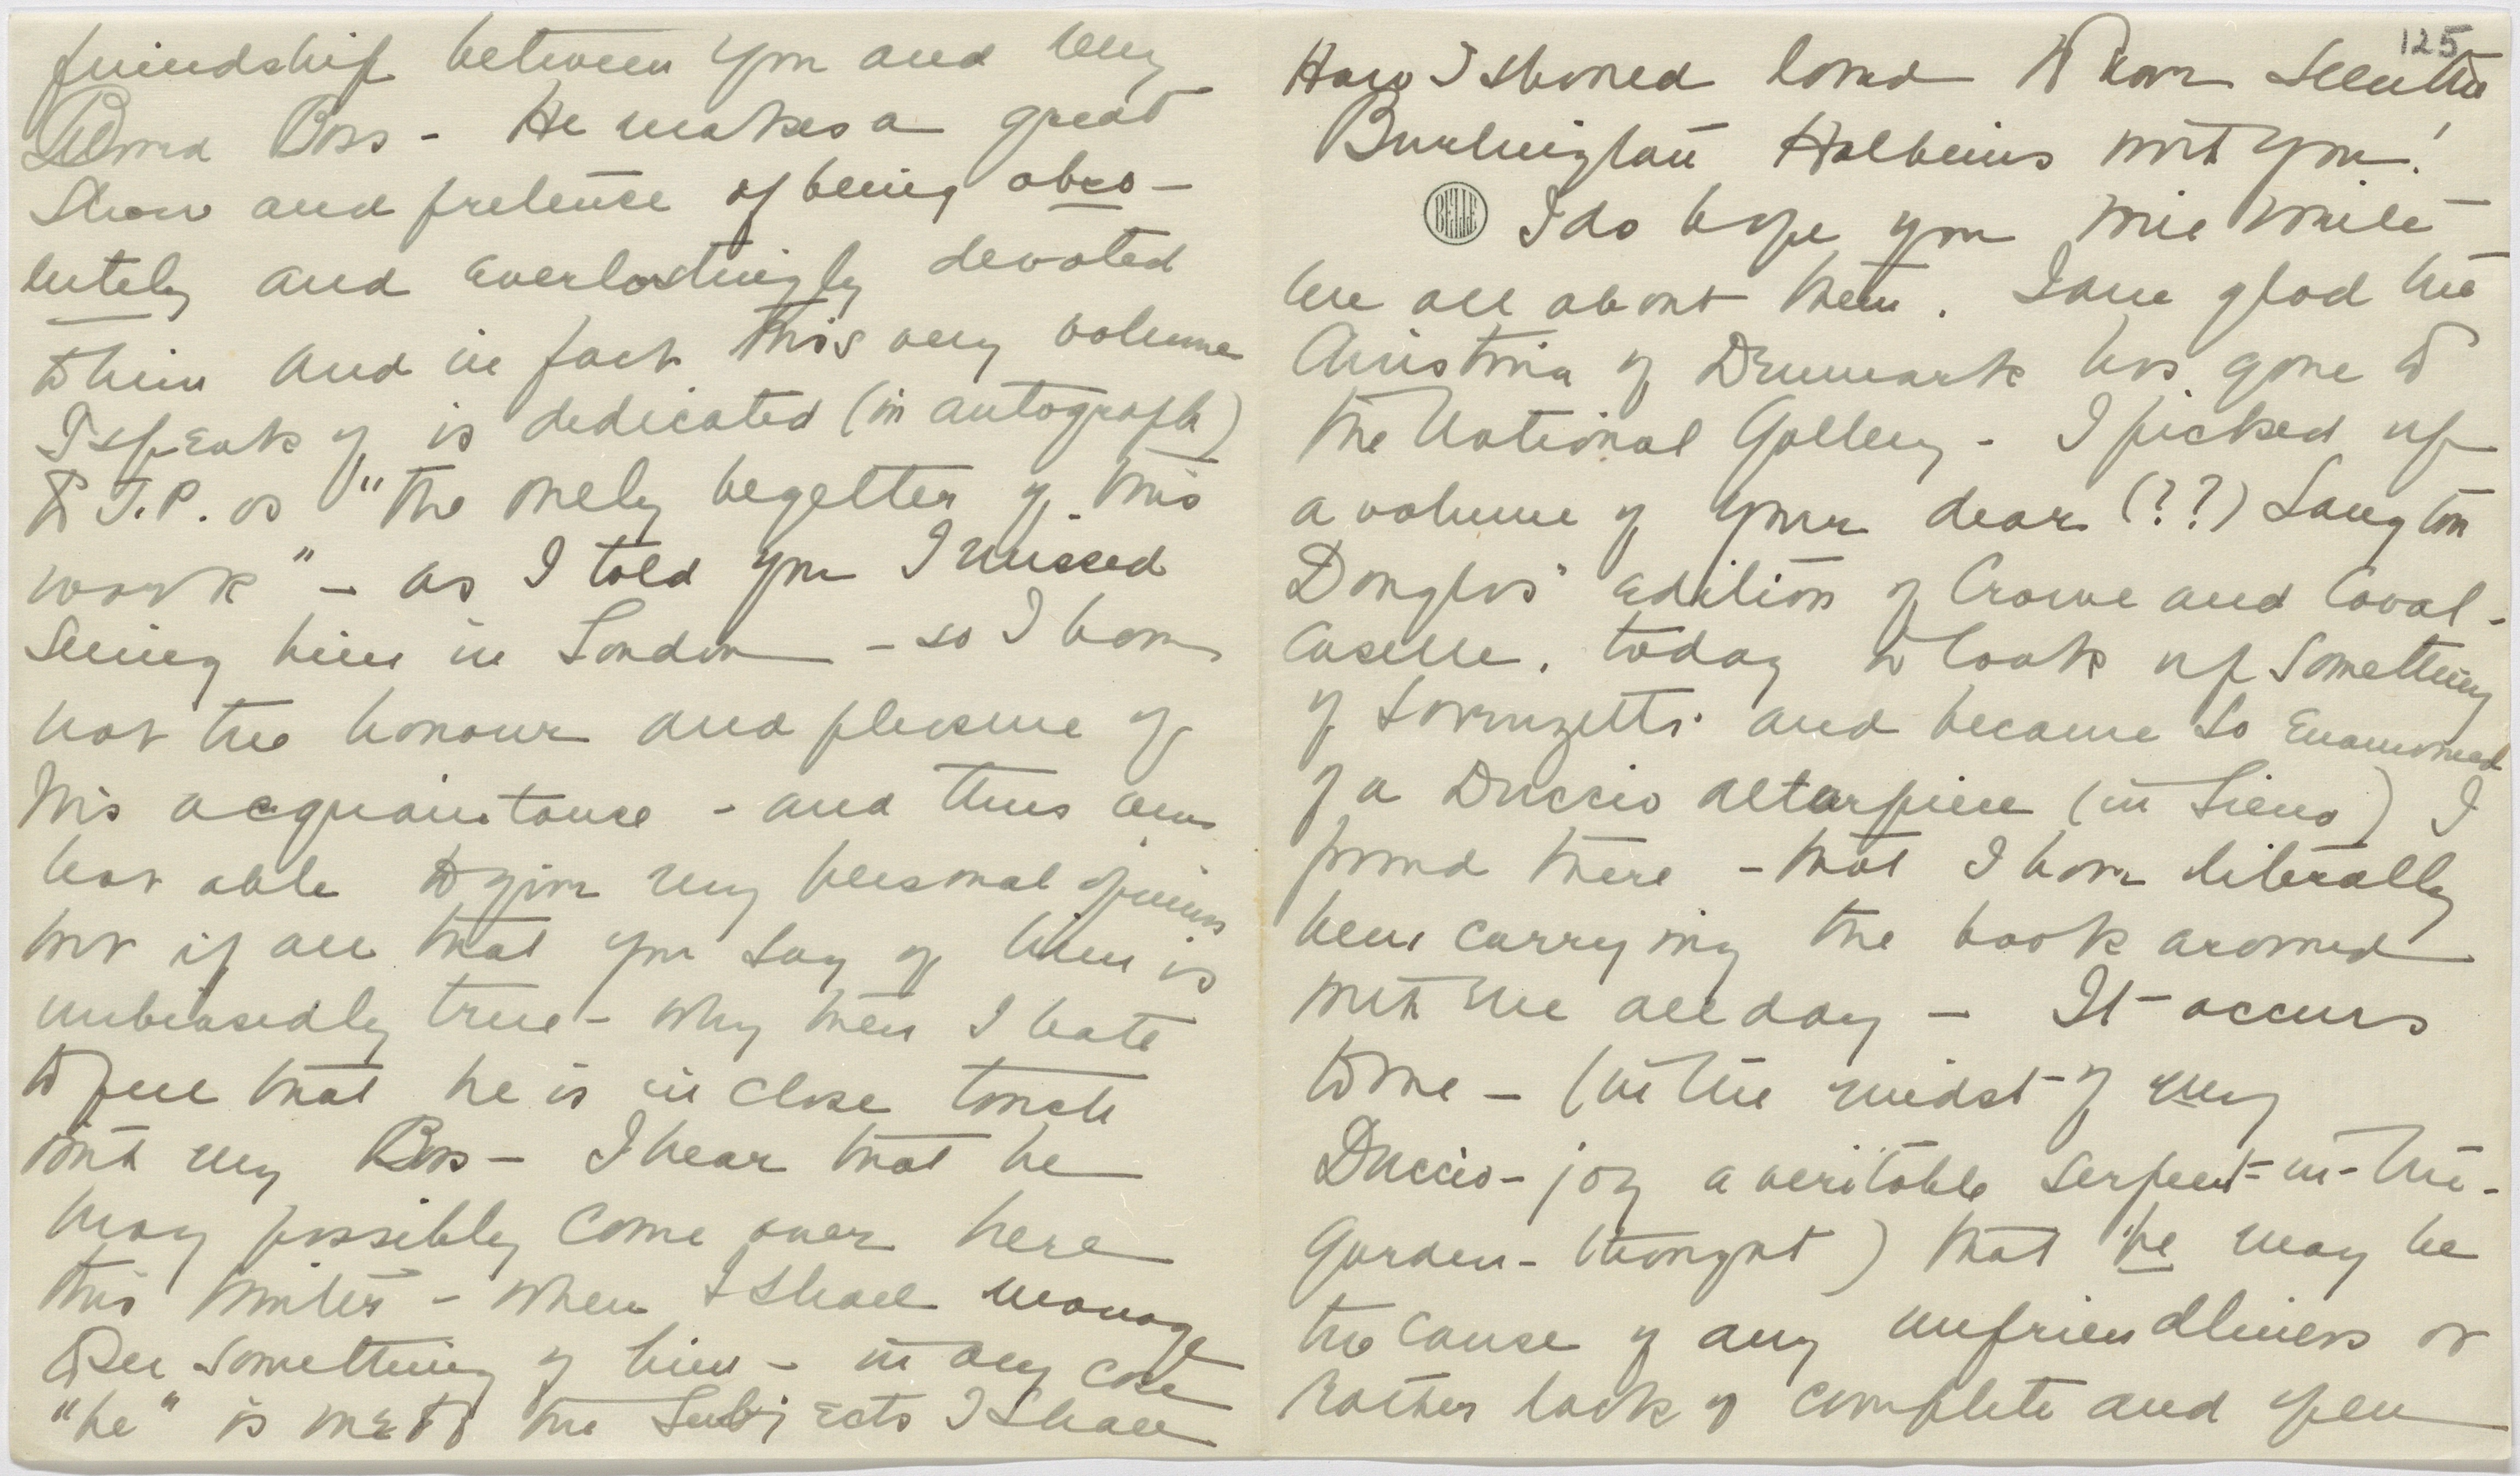How I should loved [sic] to have seen the Burlington Holbeins with you! I do hope you will write me all about them. I am glad the Christina of Denmark has gone to the National Gallery – I picked up a volume of your dear (??) Langton Douglas’ Edition of Crowe and Cavalcaselle, today to look up something of Lorenzetti and became so enamoured of a Duccio altarpiece (in Siena) I found there – that I have literally been carrying the book around with me all day – It occurs to me – (in the midst of my Duccio-joy a veritable serpent-in-the-garden-thought) that he may be the cause of any unfriendliness or rather lack of complete and open
friendship between you and my Beloved Boss – He makes a great show and pretense of being absolutely and everlastingly devoted to him and in fact this very volume I speak of is dedicated (in autograph) to J.P. as “the only begetter of this work” – as I told you I missed seeing him in London – so I have not the honour and pleasure of his acquaintance – and thus am not able to give my personal opinion but if all that you say of him is unbiasedly true – why then I hate to feel that he is in close touch with my Boss – I hear that he may possibly come over here this winter – when I shall manage to see something of him – in any case “he” is one of the subjects I shall